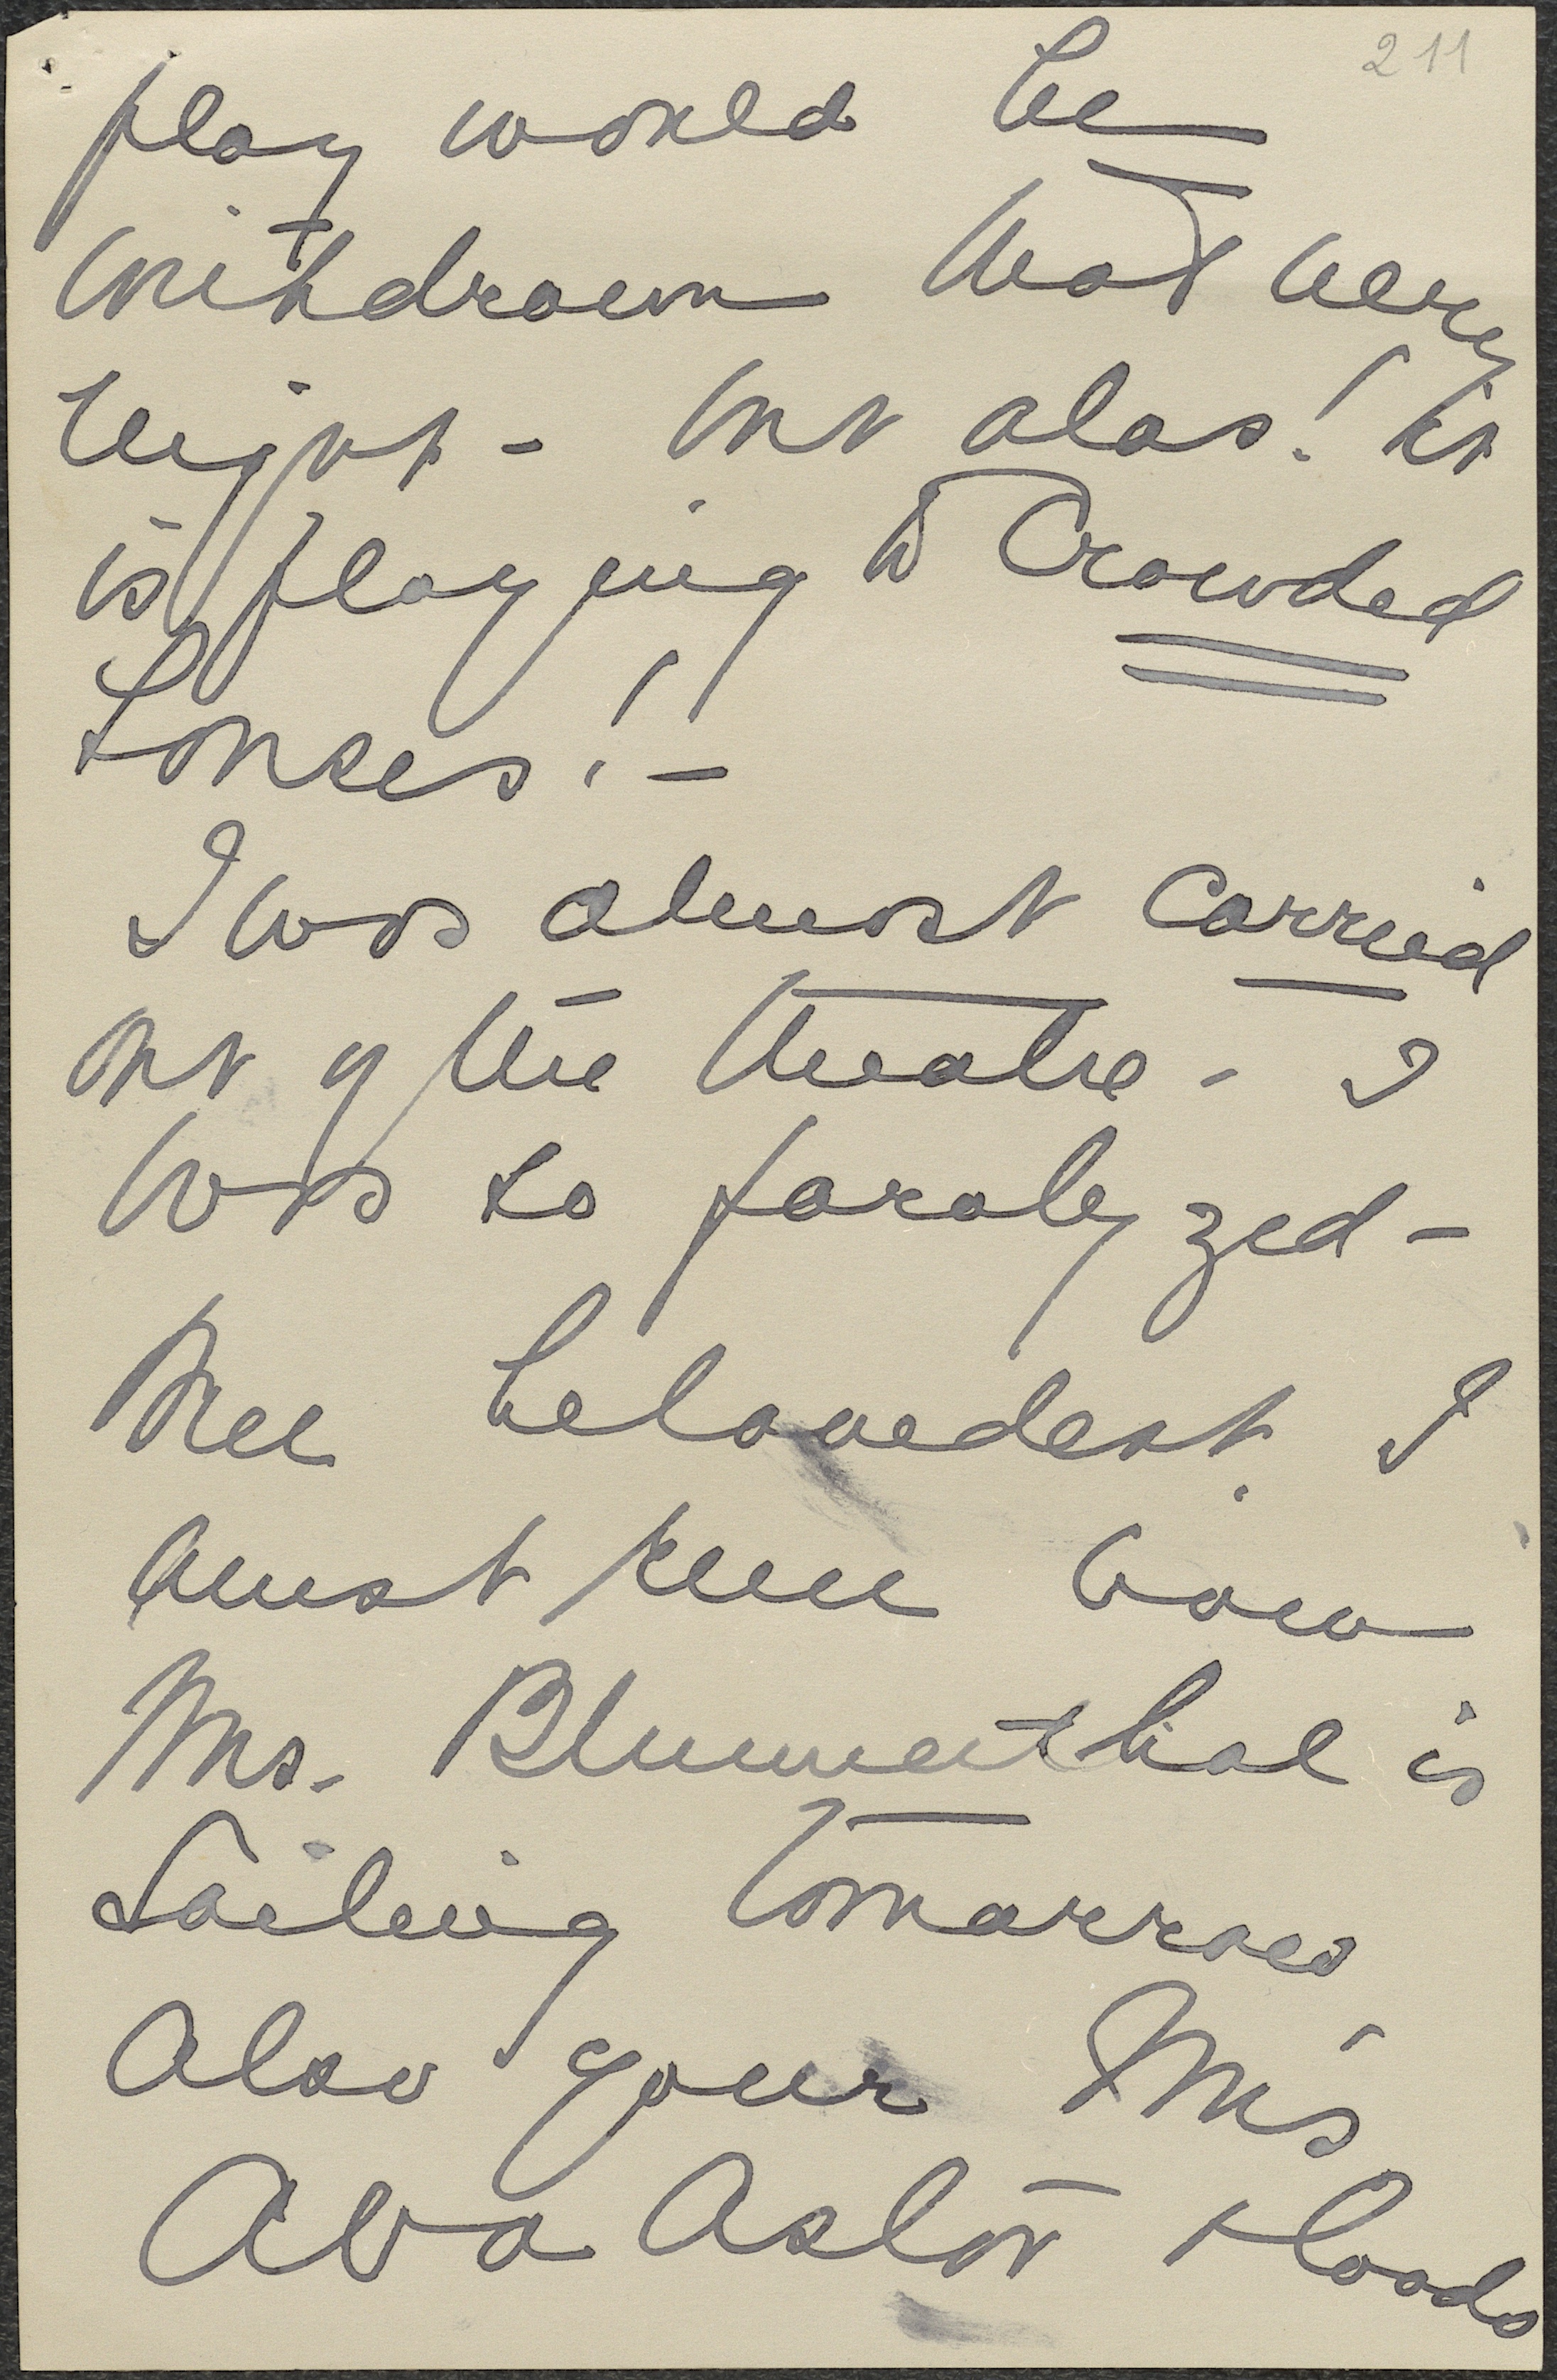play would be withdrawn that very night – but alas! it is playing to [double underlined: crowded] houses! –
I was almost carried out of the theatre – I was so paralyzed – Well belovedest I must run now Mrs. Blumenthal is sailing tomorrow also your Mrs. Ava Astor & loads